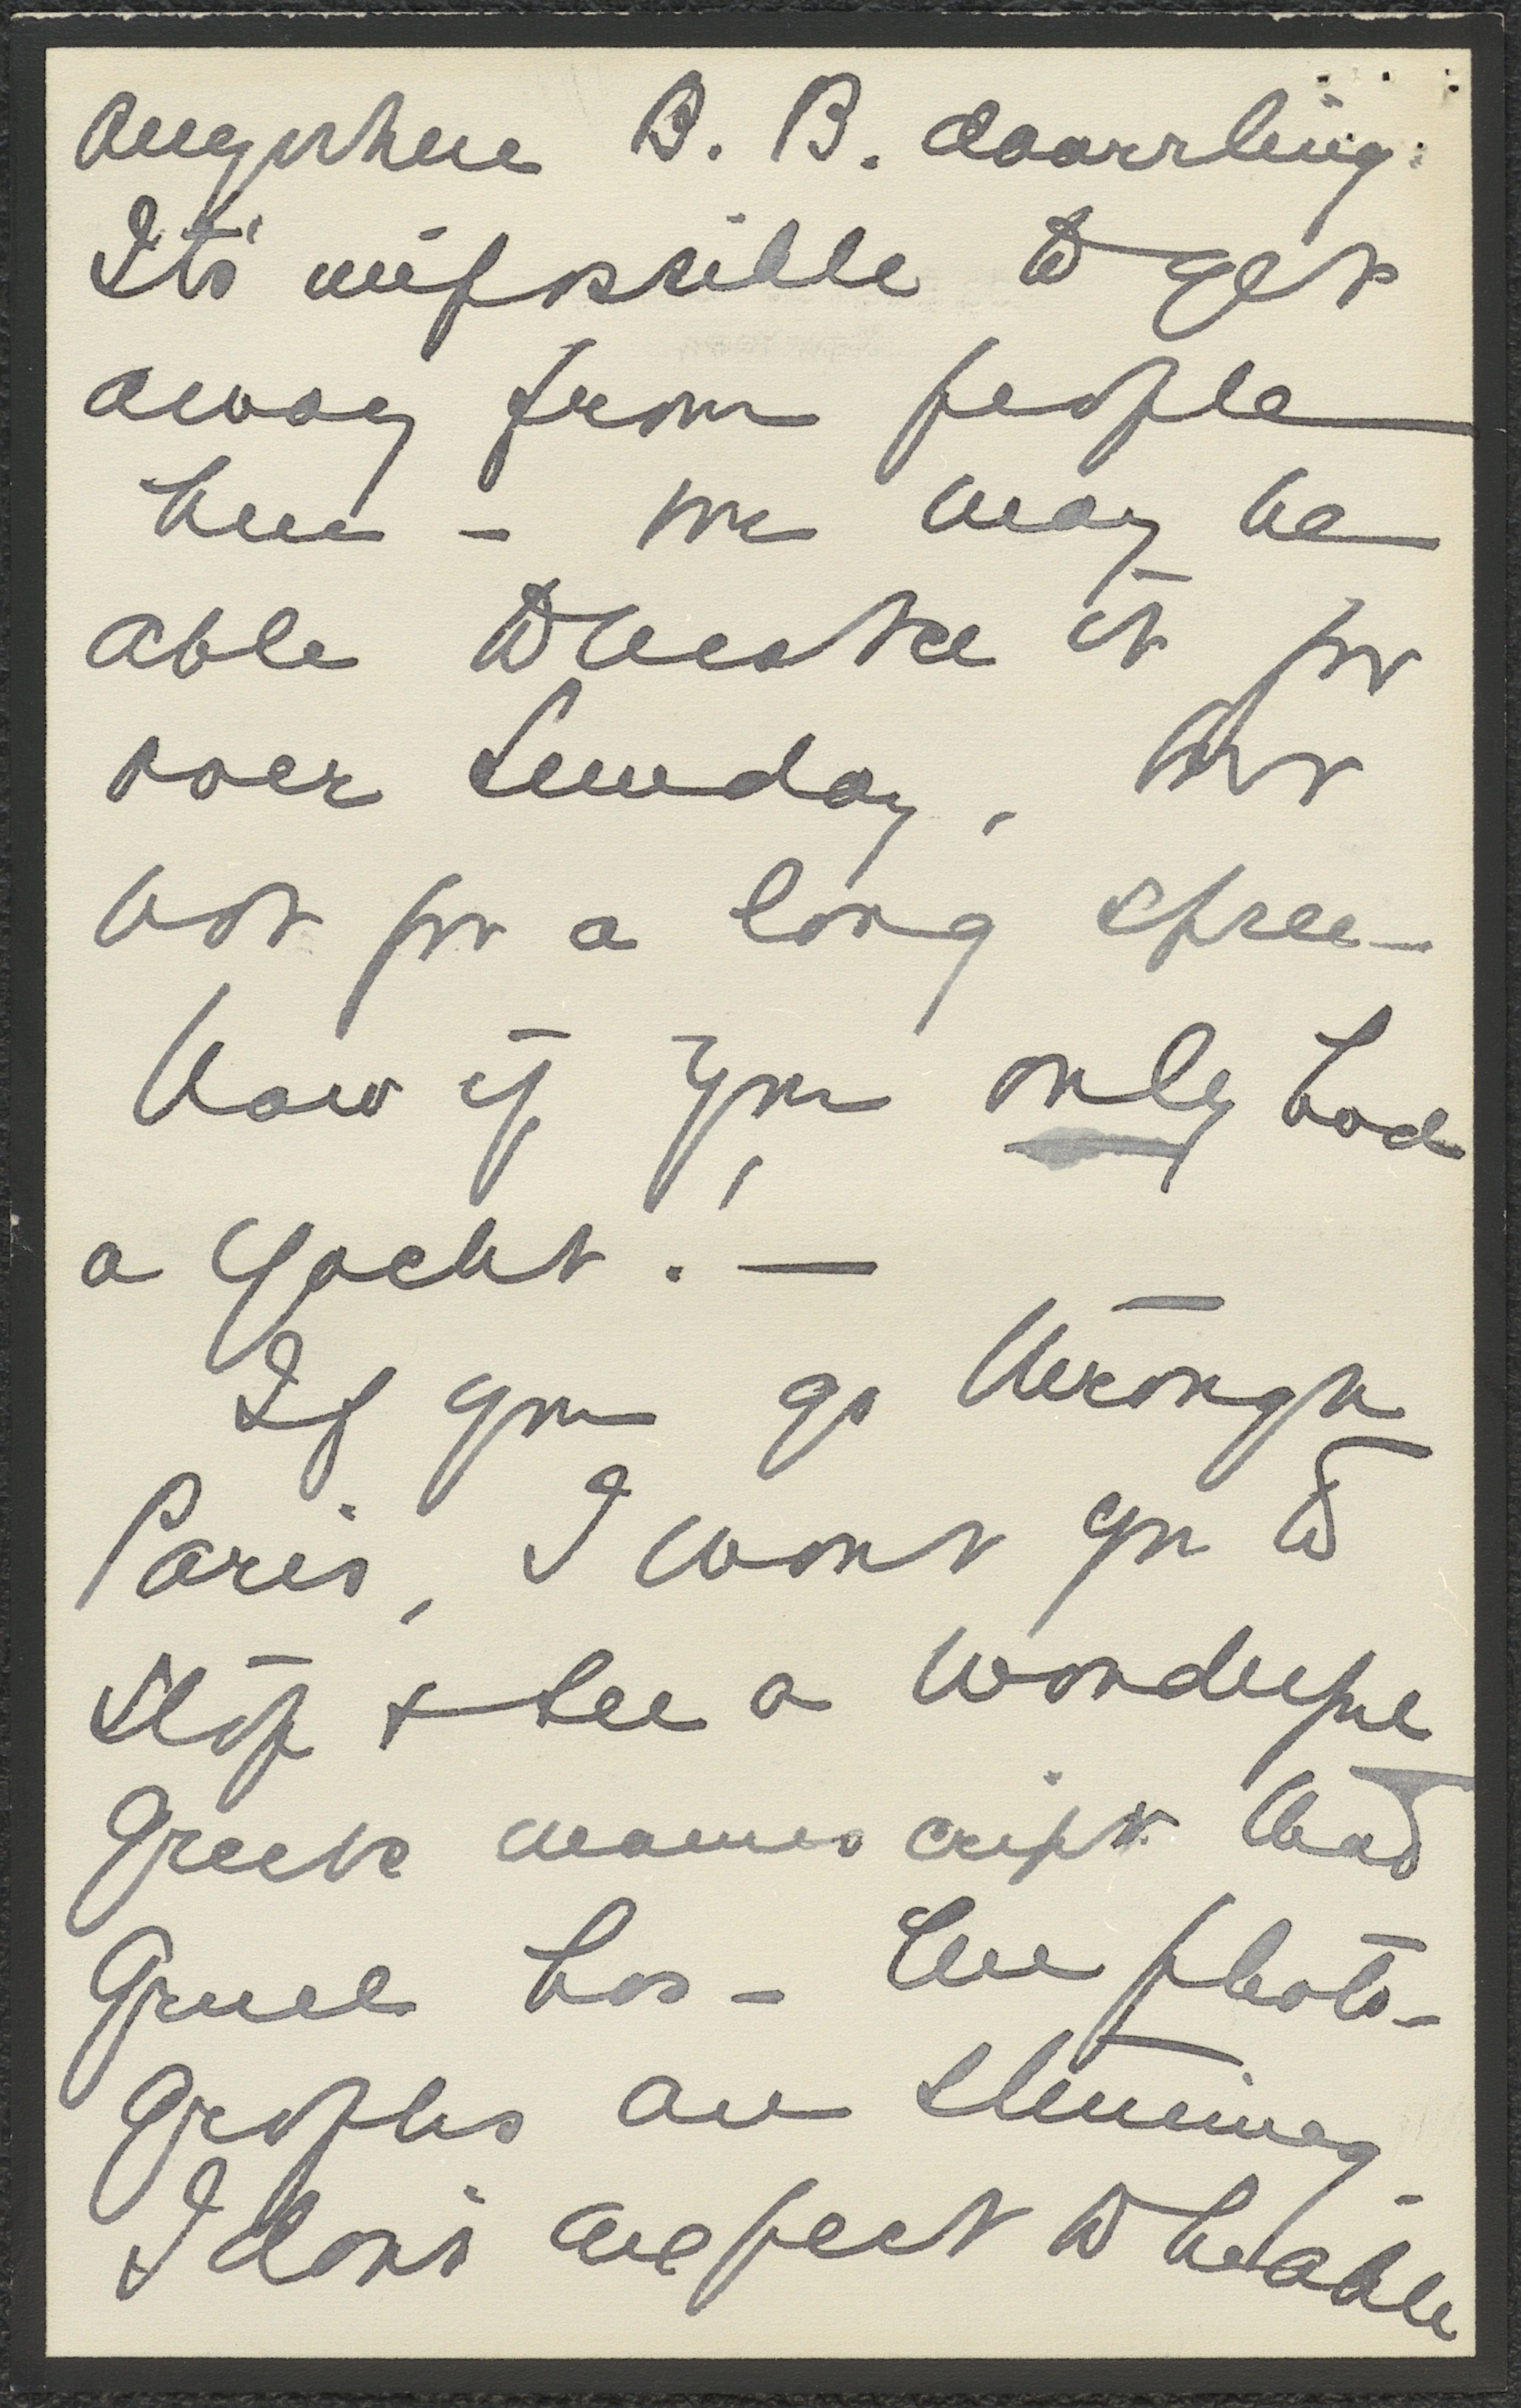anywhere B. B. daarrling. It’s impossible to get away from people here – we may be able to make it for over Sunday, but not for a long spree –
Now if you only had a yacht! –
If you go through Paris, I want you to stop & see a wonderful Greek manuscript that Gruel has – The photographs are stunning – I don’t expect to be able